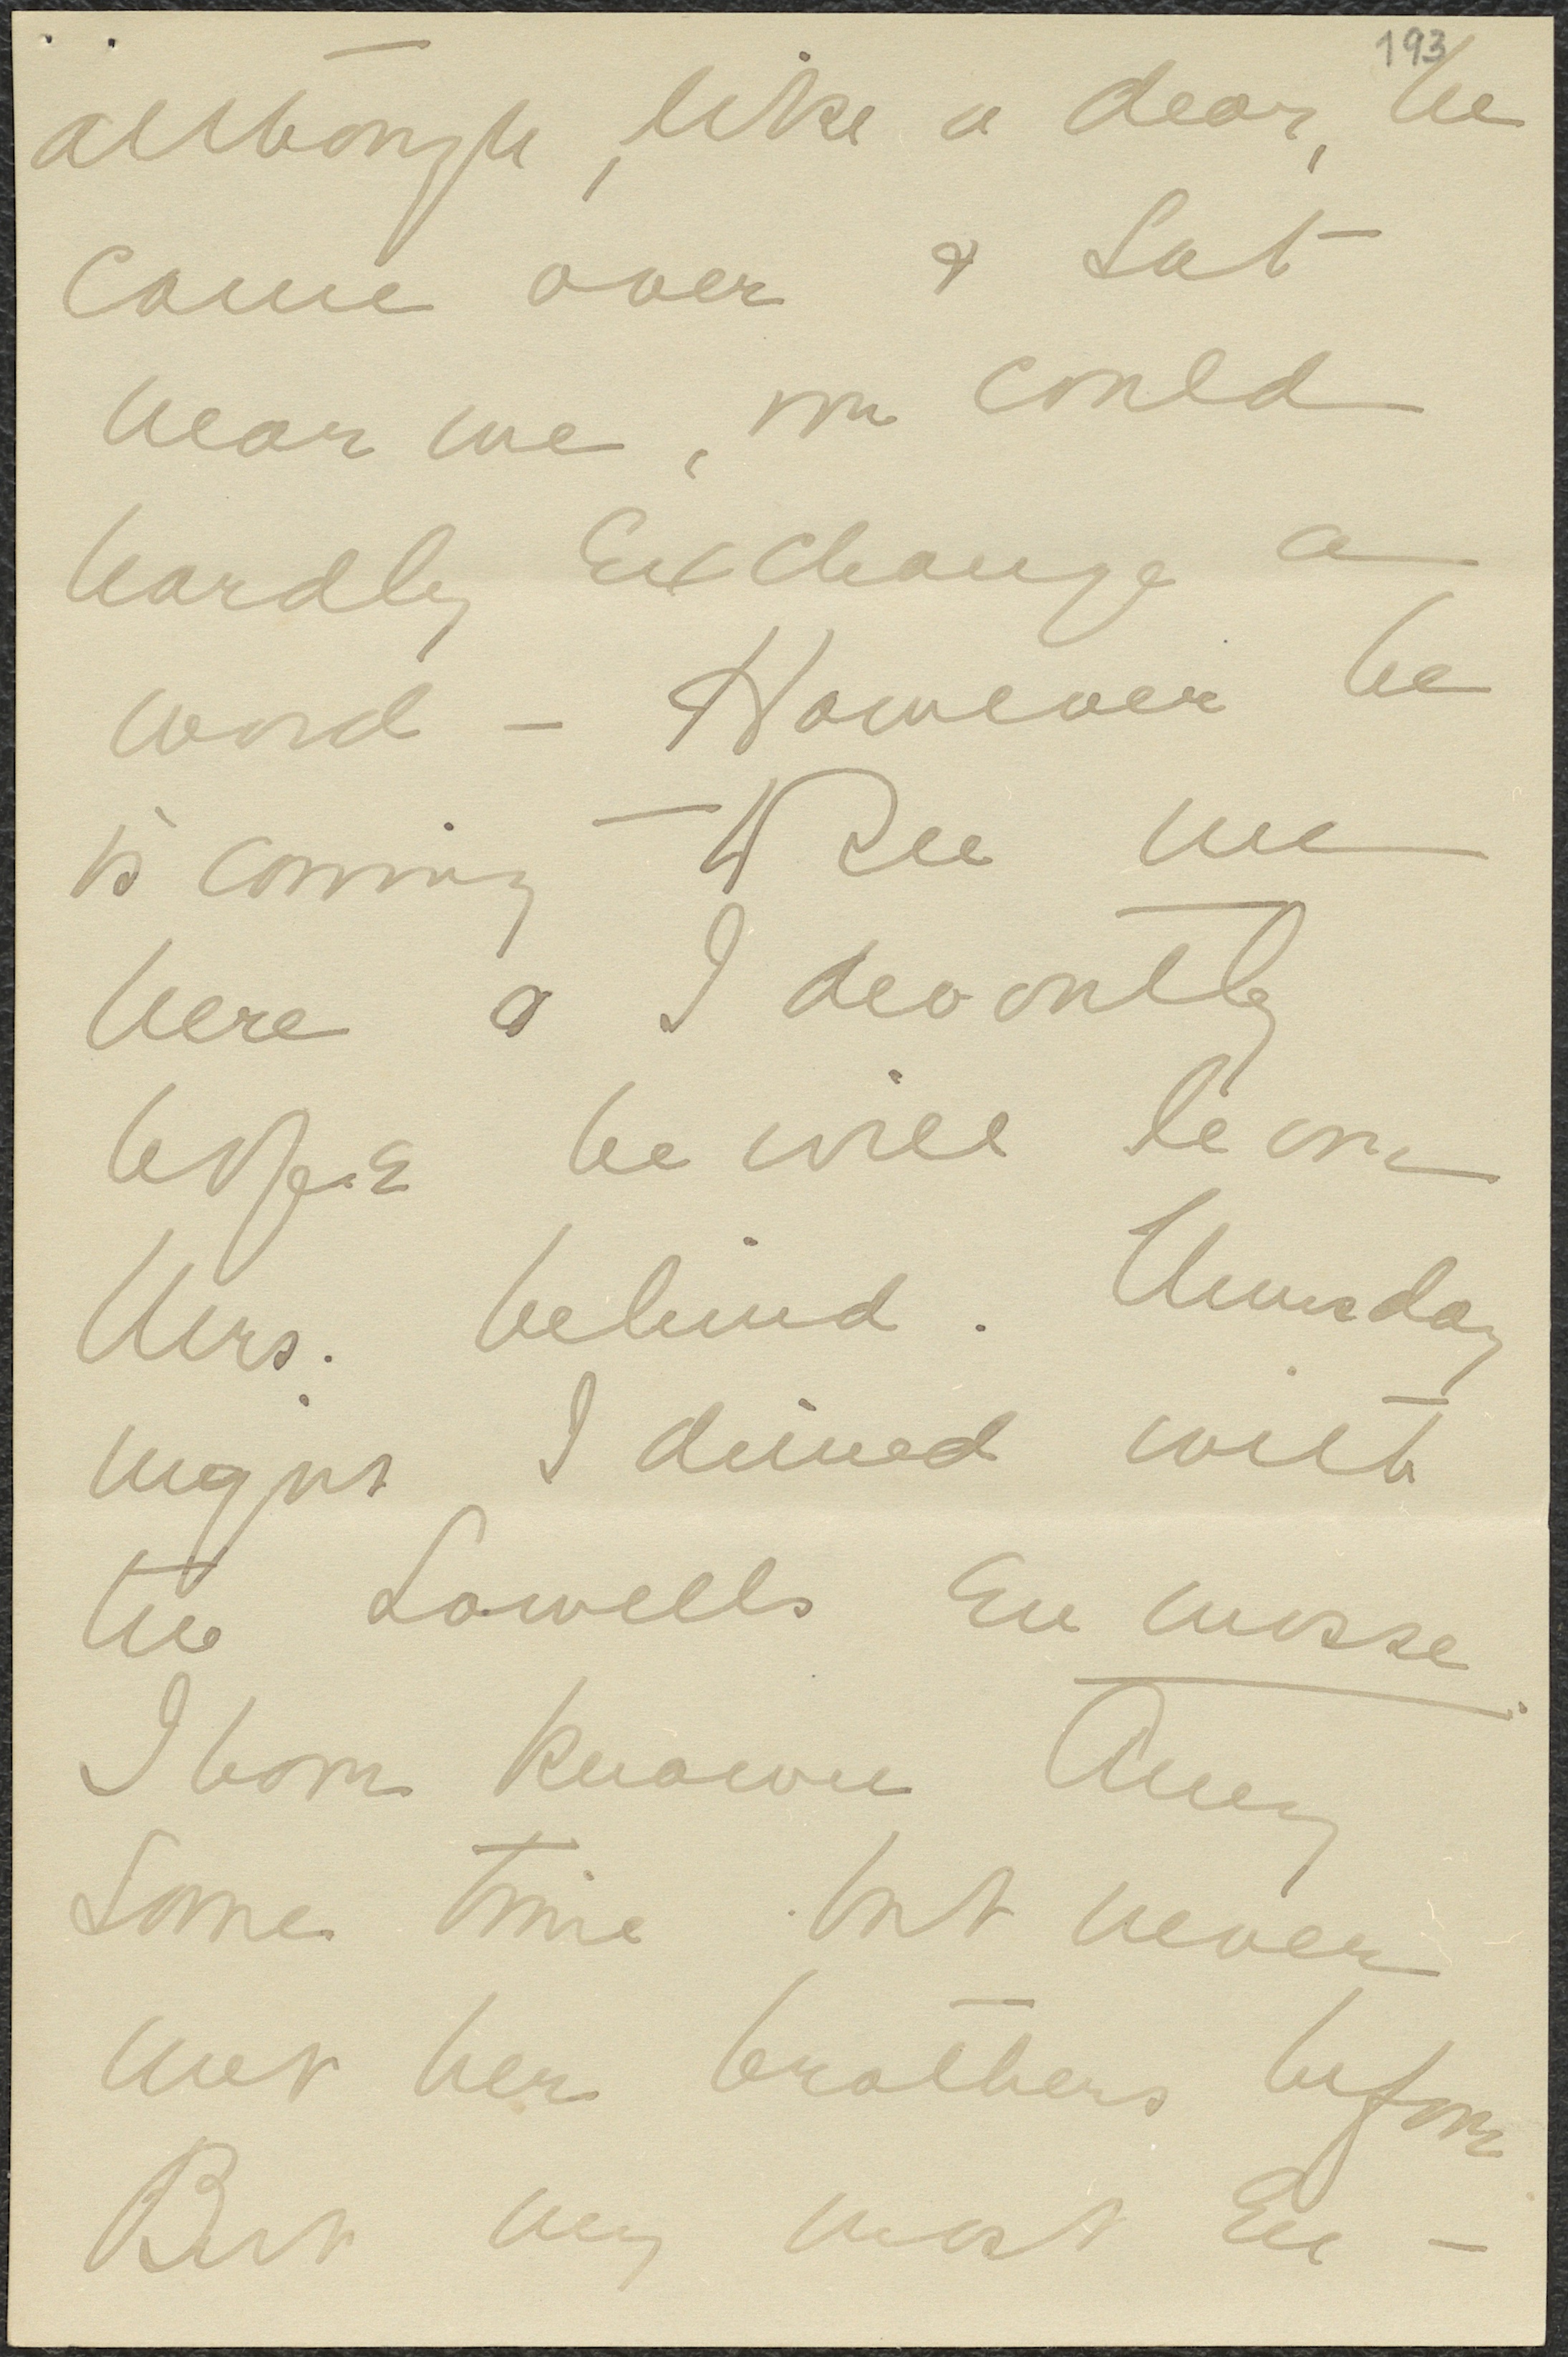although like a dear, he came over & sat near me, we could hardly exchange a word – However he is coming to see me here & I devoutly hope he will leave Mrs. behind. Thursday night I dined with the Lowells en masse. I have known Amy some time but never met her brothers before
But my most enchanting